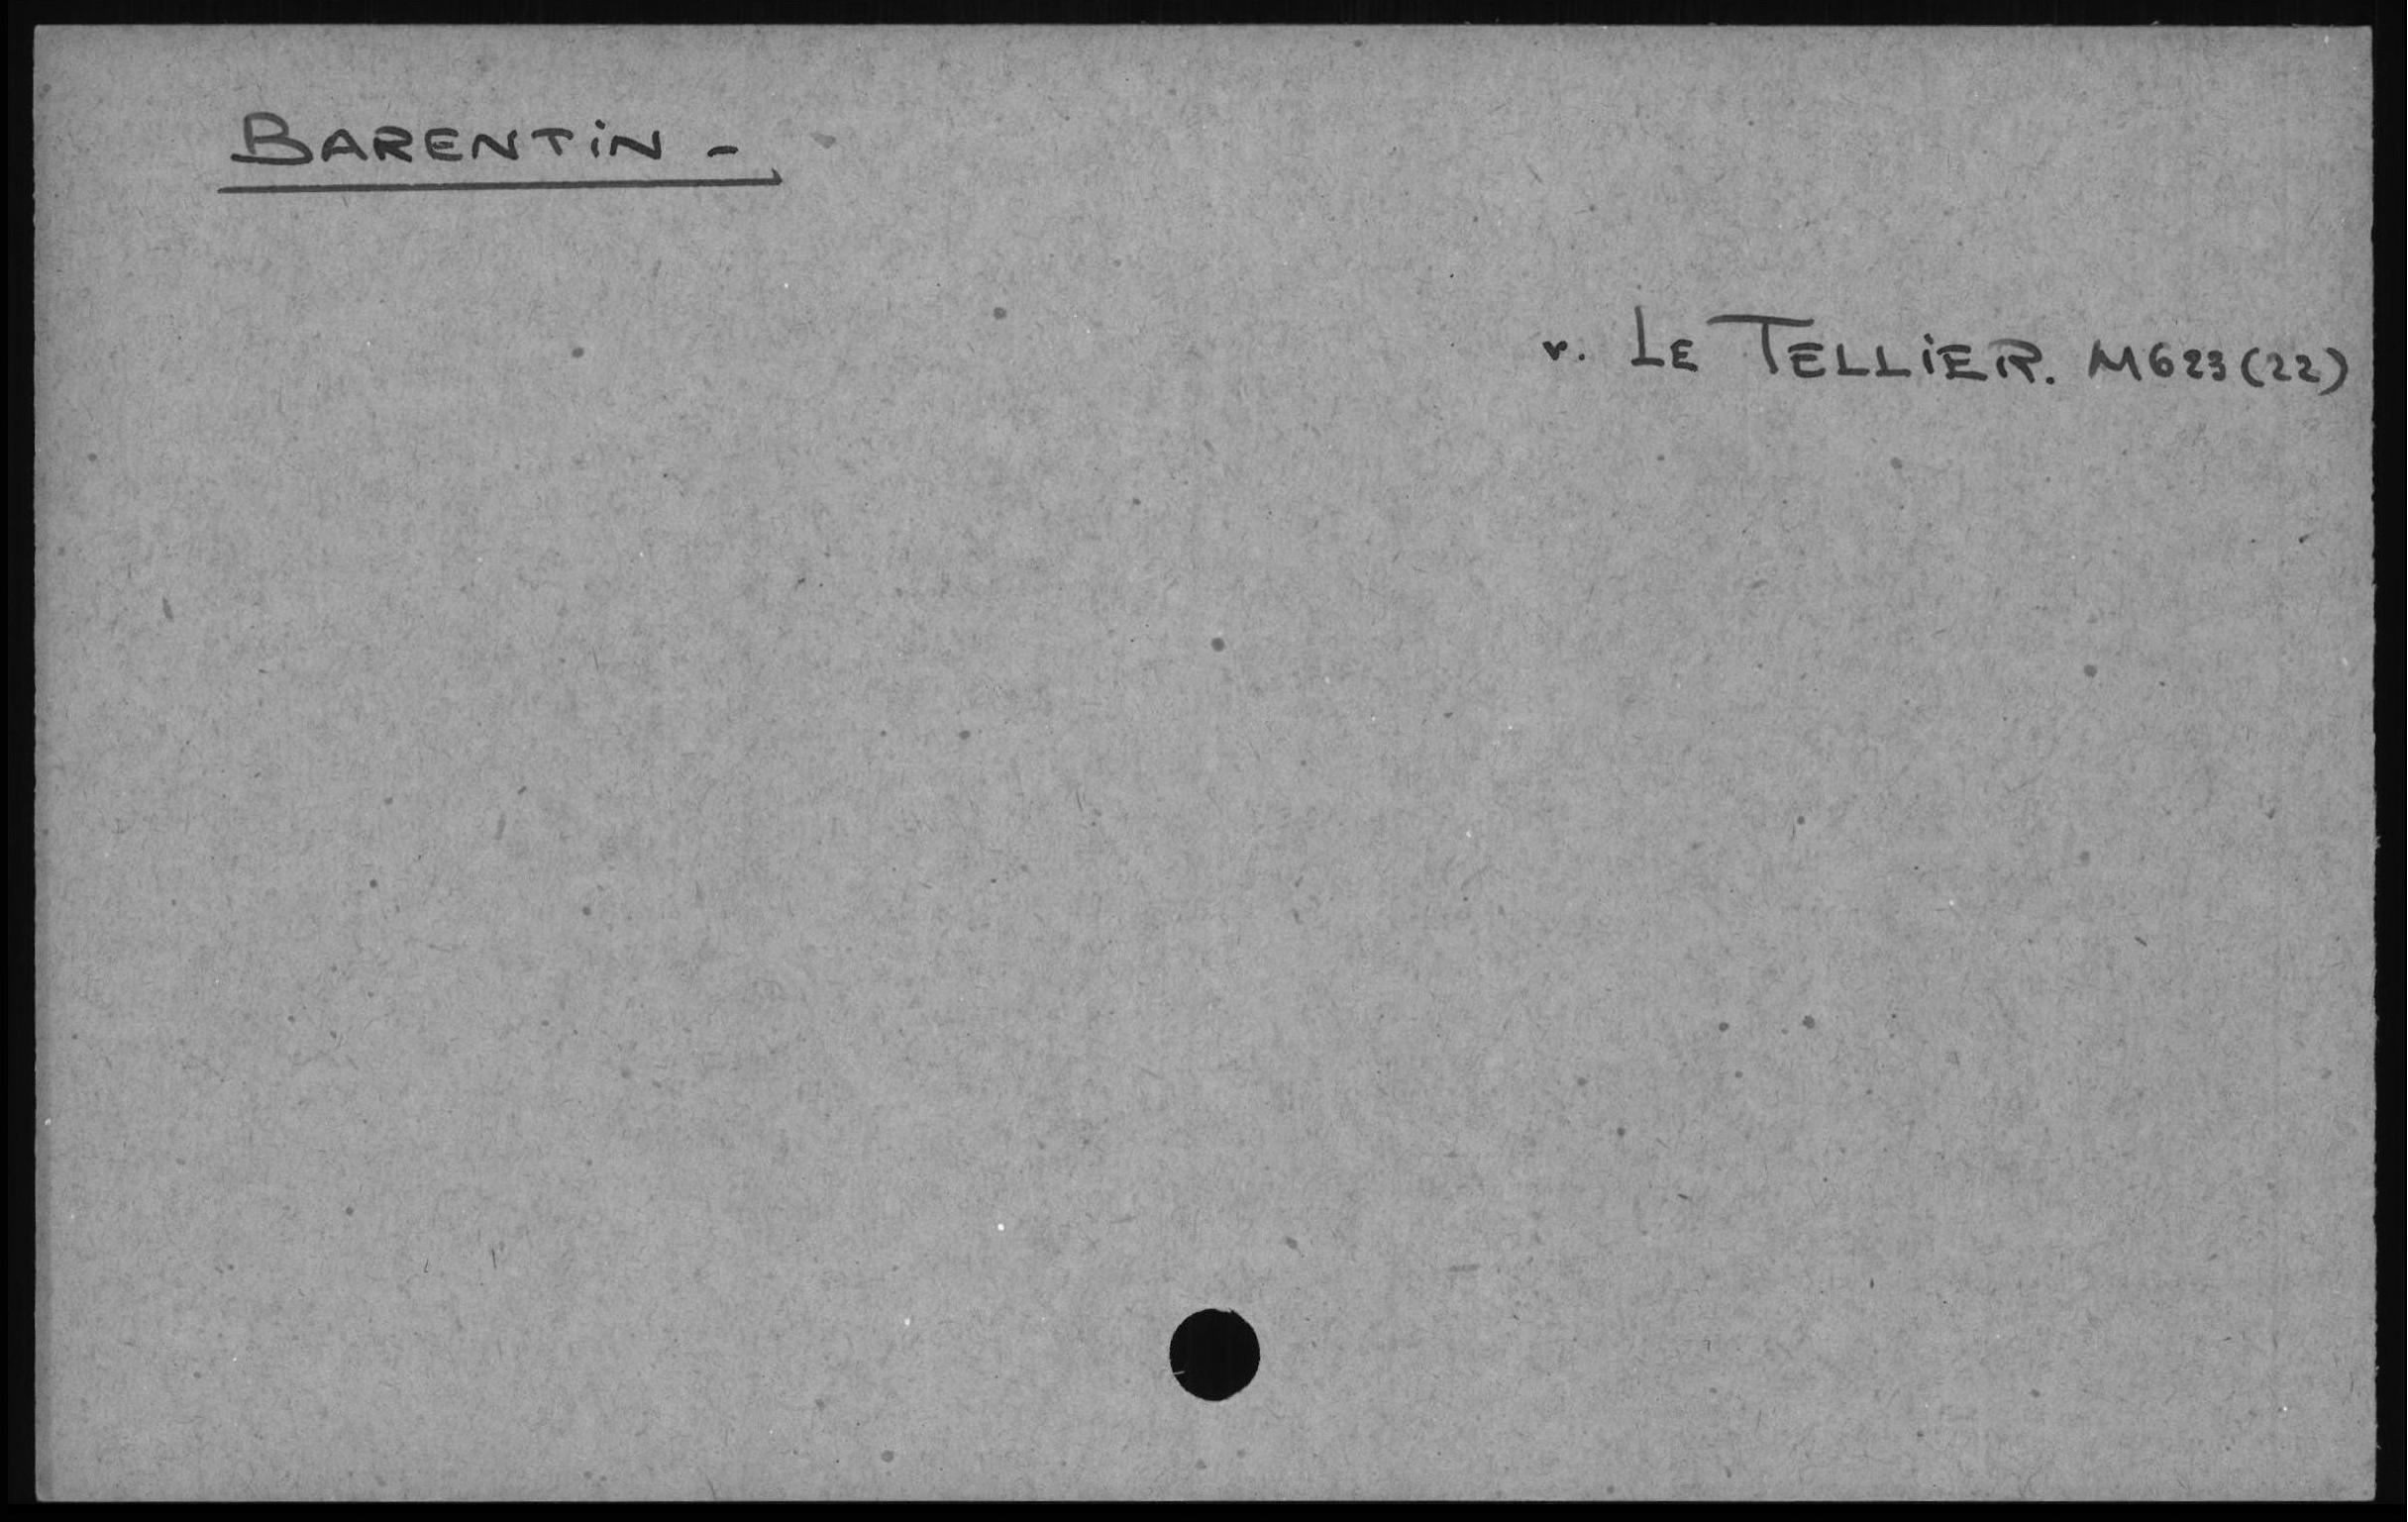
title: BARENTIN.
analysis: voir : LE TELLIER.
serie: M
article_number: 623
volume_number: (22)
